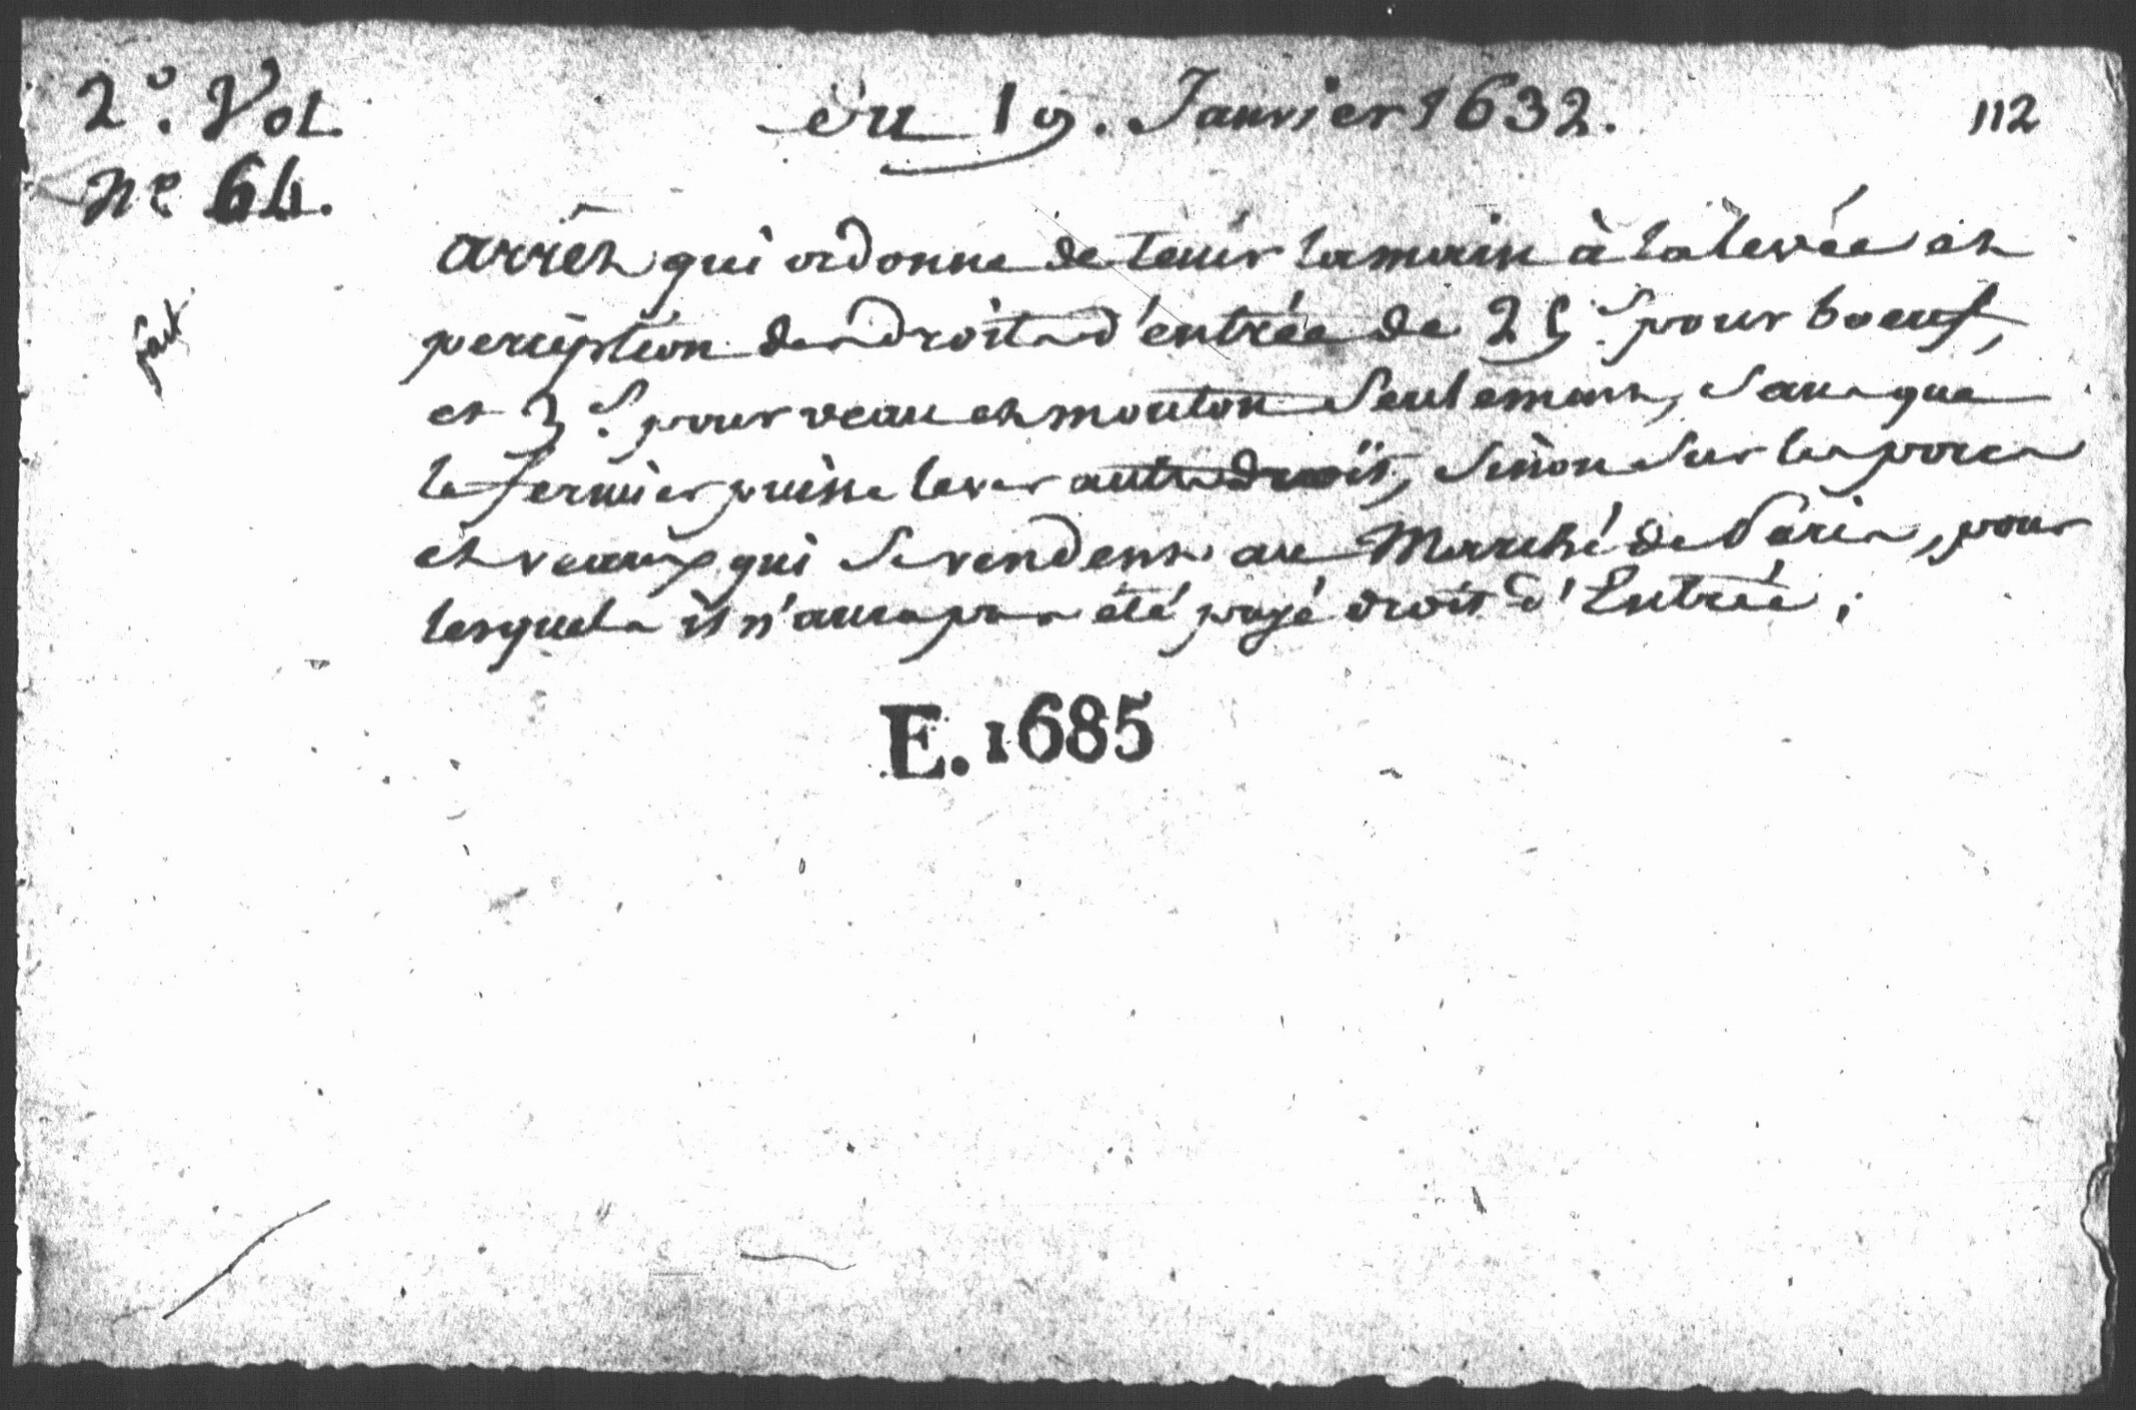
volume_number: n°64
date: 19 janvier 1632
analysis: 112
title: Arrêt qui ordonne de tenir la main à la levée et perception des droits d'entrée de 25 s. pour boeuf, et 3 s. pour veau et mouton seulement, sans que le fermier puisse lever autre droit, sinon sur les porcs et veaux qui se vendent au marché de Paris, pour lesquels il n'aura pas été payé droit d'entrée.
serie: E
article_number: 1685
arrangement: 2.e vol
